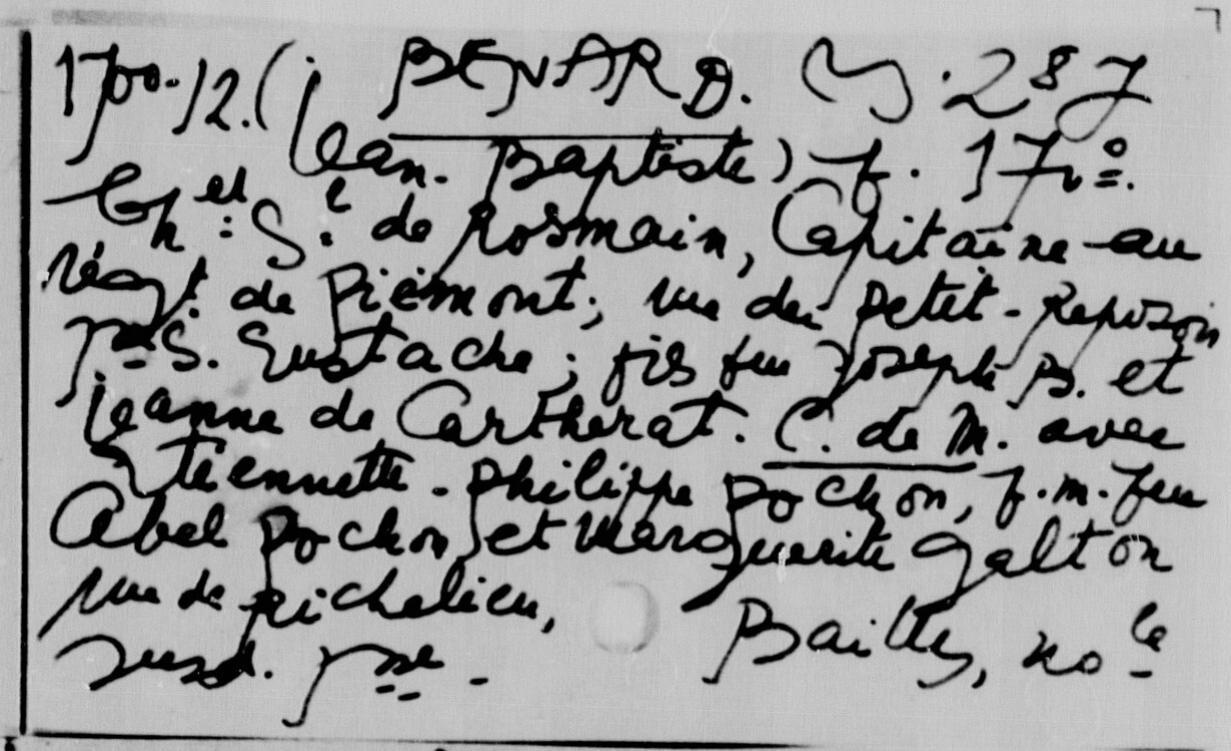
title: BENARD (Jean-Baptiste)
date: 1700-1712
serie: Y
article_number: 287
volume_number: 17v
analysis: Chevalier et seigneur de Rosmain, capitaine au régiment de Piémont, rue du Petit-Reposoir, paroisse Saint-Eustache ; fils feu Joseph B. et Jeanne de Cartherat. Contrat de mariage avec Étiennette-Philippe Pochon, fille majeure feu Abel Pochon et Marguerite Galton, rue de Richelieu, susdite paroisse. Bailly, notaire.
